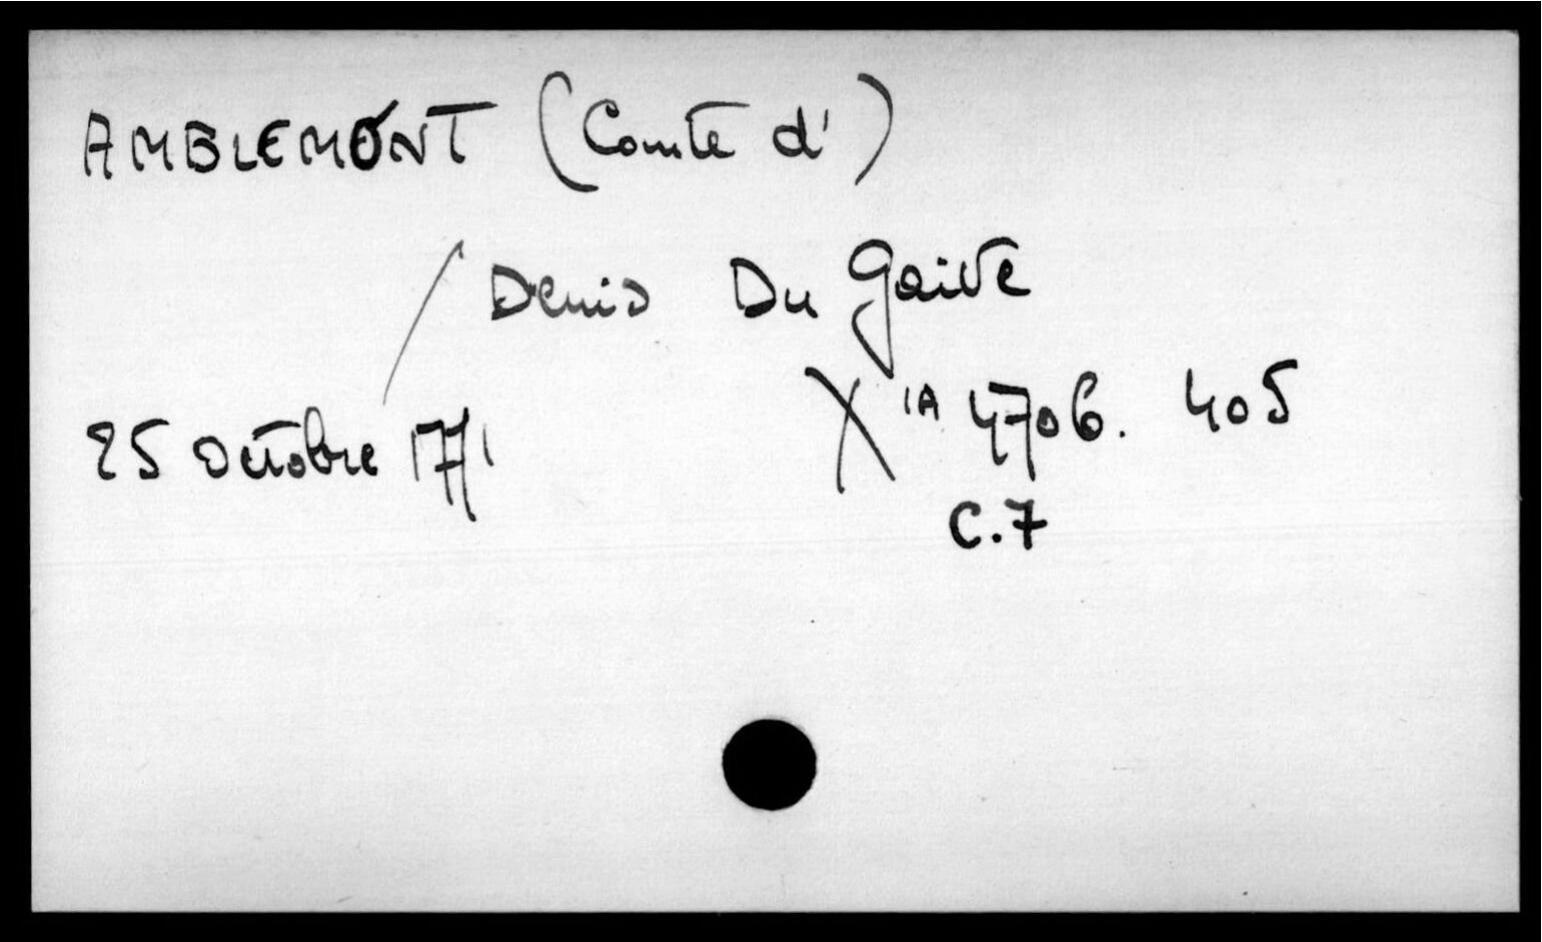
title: AMBLEMONT (Comte d')
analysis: Contre Denis Du Gaive
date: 25 octobre 1771
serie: X1A
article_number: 4706
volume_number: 405 Conseil, 7
